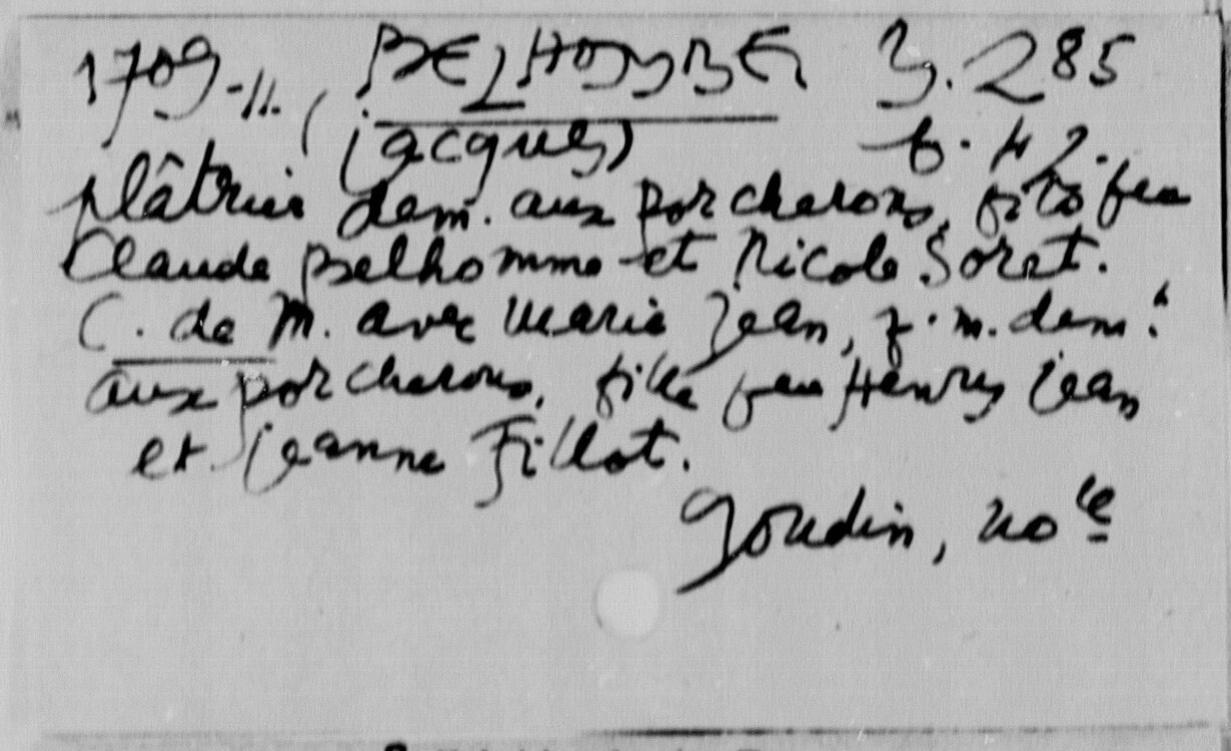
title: BELHOMNE (Jacques)
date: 1709-1711
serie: Y
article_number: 285
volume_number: folio 42
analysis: Plâtrier demeurant aux Porcherons, fils feu Claude Belhomme et Nicole Soret. Contrat de mariage avec Marie Jean, fille majeure demeurant aux Porcherons, fille feu Henry Jean et Jeanne Fillot. Goudin, notaire
